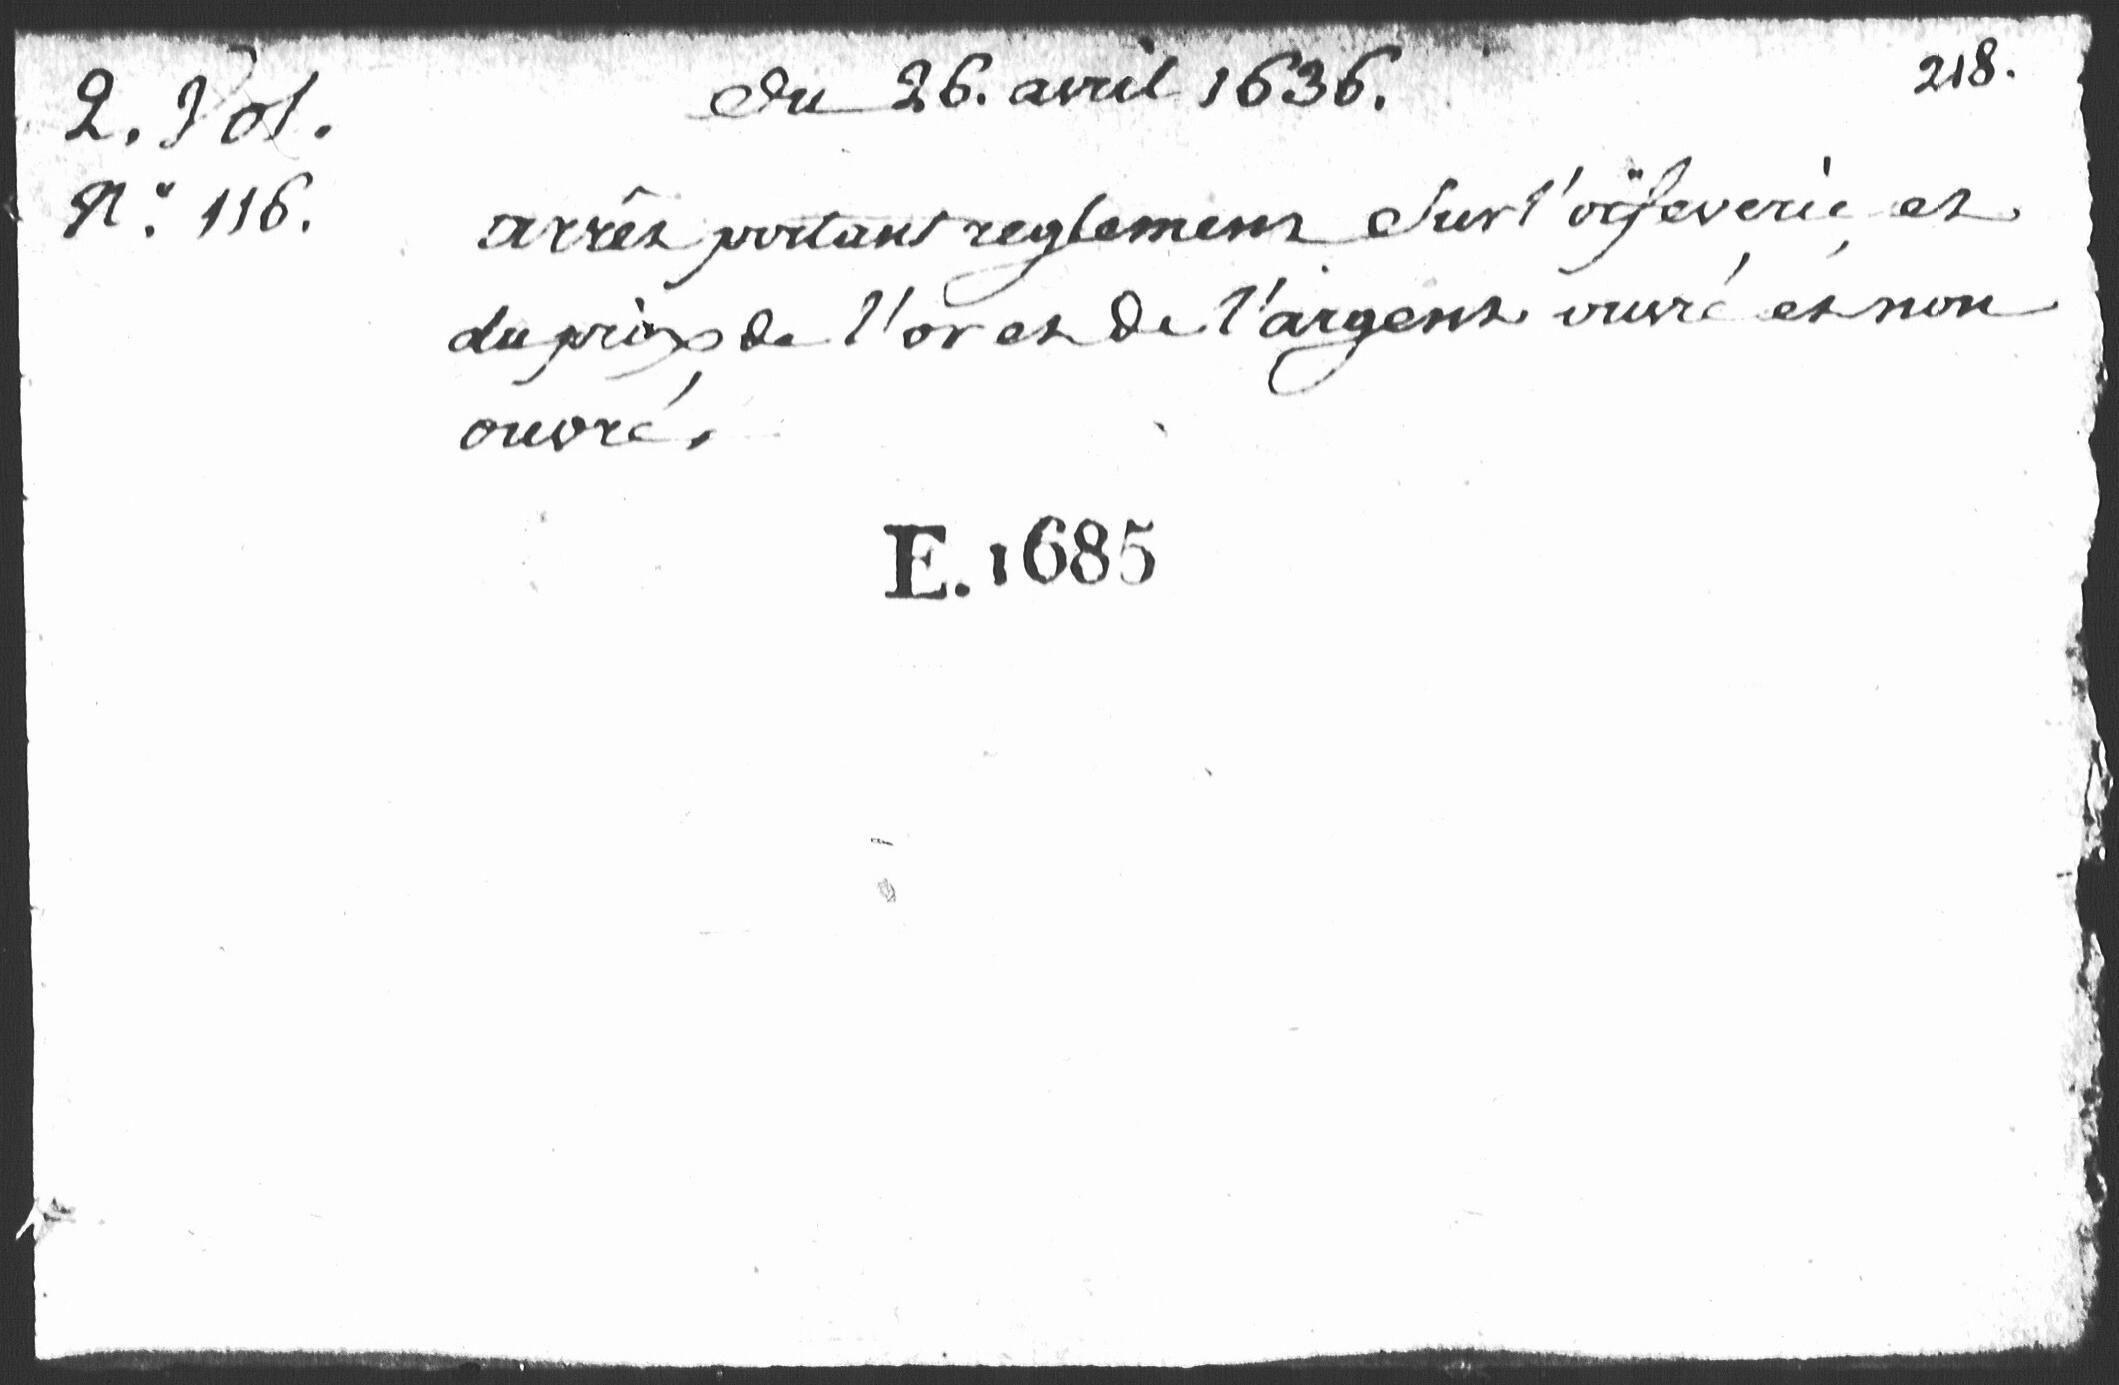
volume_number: n°116
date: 26 avril 1636
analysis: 218
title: arrêt portant reglement sur l'orfeverie et du prix de l'or et de l'argent ouvré et non ouvré.
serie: E
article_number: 1685
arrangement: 2. vol.
